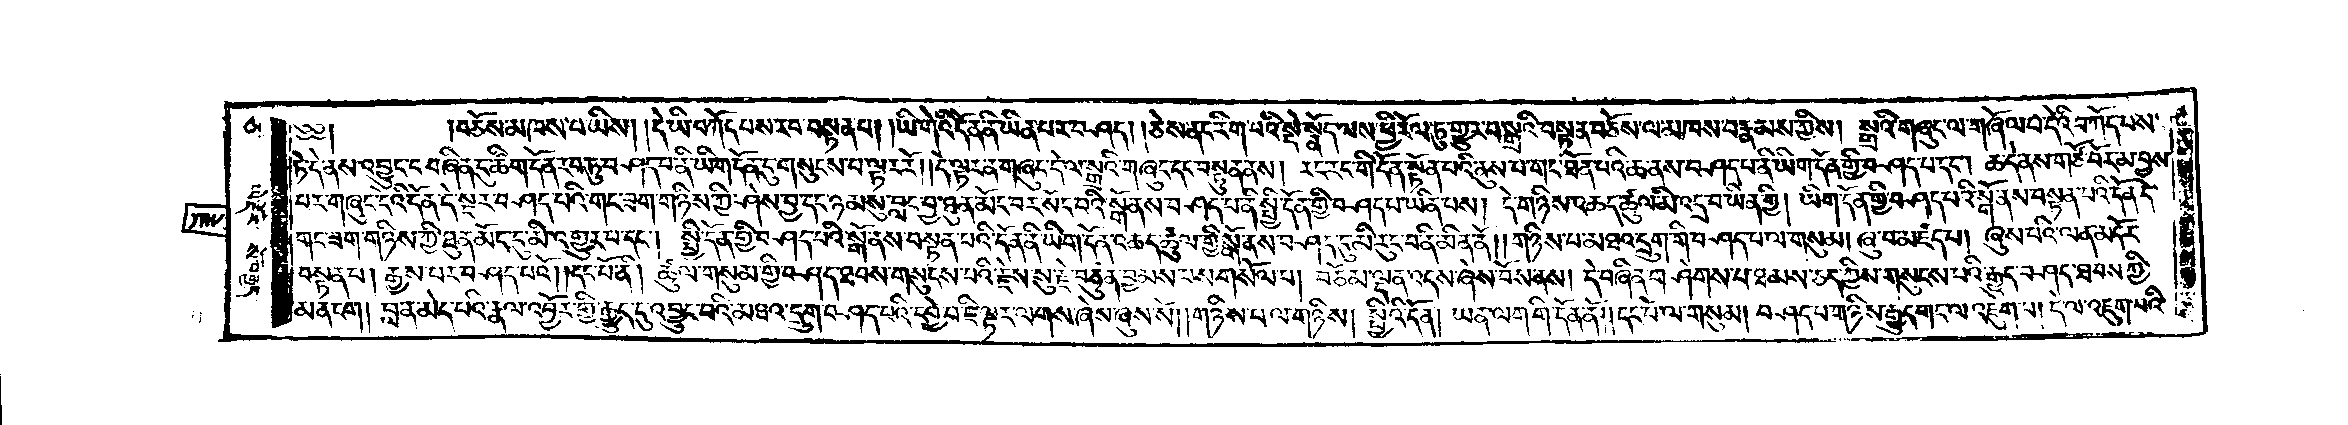༄༅། །བཅོས་མཁས་པ་ཡིས། །དེ་ཡི་བཀོད་པས་རབ་བསྟན་པ། །ཡི་གེའི་དོན་ནི་ཡིན་པར་བཤད། །ཅེས་ནང་རིག་པའི་སྡེ་སྣོད་ལས་ཕྱི་རོལ་ཏུ་གྱུར་པ་སྒྲའི་བསྟན་བཅོས་ལ་མཁས་པ་རྣམས་ཀྱིས། སྒྲའི་གཞུང་ལ་གཞོལ་པ་དེའི་བཀོད་པས་
ཏེ་དེ་ནས་འབྱུང་བ་བཞིན་དུ་ཚིག་དོན་རབ་ཏུ་བཤད་པ་ནི་ཡིག་དོན་དུ་གསུངས་པ་ལྟར་རོ། །དེ་ལྟར་ན་གཞུང་དེ་ལ་སྒྲའི་གཞུང་དང་བསྟུན་ནས། རང་རང་གི་དོན་སྟོན་པའི་ནུས་པ་གང་ཐོན་པའི་ཆ་ནས་བཤད་པ་ནི་ཡིག་དོན་གྱི་བཤད་པ་དང་། ཆ་དེ་ནས་གཙོ་བོར་མ་བྱས་
པར་གཞུང་དེའི་དོན་དེ་སྔར་བཤད་པའི་གང་ཟག་གཉིས་ཀྱི་ཤེས་བྱ་དང་ཉམས་སུ་བླང་བྱ་ཐུན་མོང་བར་སོང་བའི་སྒོ་ནས་བཤད་པ་ནི་སྤྱི་དོན་གྱི་བཤད་པ་ཡིན་པས། དེ་གཉིས་འཆད་ཚུལ་མི་འདྲ་བ་ཡིན་གྱི། ཡིག་དོན་གྱི་བཤད་པའི་སྒོ་ནས་བསྟན་པའི་དོན་དེ་
གང་ཟག་གཉིས་ཀྱི་ཐུན་མོང་དུ་མི་འགྱུར་པ་དང་། སྤྱི་དོན་གྱི་བཤད་པའི་སྒོ་ནས་བསྟན་པའི་དོན་ནི་ཡིག་དོན་འཆད་ཚུལ་གྱི་སྒོ་ནས་བཤད་དུ་མི་རུང་བ་ནི་མིན་ནོ། །གཉིས་པ་མཐའ་དྲུག་གི་བཤད་པ་ལ་གསུམ། ཞུ་བ་མཛད་པ། ཞུས་པའི་ལན་མདོར་
བསྟན་པ། རྒྱས་པར་བཤད་པའོ། །དང་པོ་ནི། ཚུལ་གསུམ་གྱི་བཤད་ཐབས་གསུངས་པའི་རྗེས་སུ་རྗེ་བཙུན་བྱམས་པས་གསོལ་པ། བཅོམ་ལྡན་འདས་ཞེས་བོས་ནས། དེ་བཞིན་གཤེགས་པ་ཐམས་ཅད་ཀྱིས་གསུངས་པའི་རྒྱུད་བཤད་ཐབས་ཀྱི་
མན་ངག །བླ་ན་མེད་པའི་རྣལ་འབྱོར་གྱི་རྒྱུད་དུ་འབྱུང་བའི་མཐའ་དྲུག་བཤད་པའི་དབྱེ་བ་ཇི་ལྟར་ལགས་ཞེས་ཞུས་སོ། །གཉིས་པ་ལ་གཉིས། སྤྱིའི་དོན། ཡན་ལག་གི་དོན་ནོ། །དང་པོ་ལ་གསུམ། བཤད་པ་གཉིས་རྒྱུད་གང་ལ་འཇུག་པ། དེ་ལ་འཇུག་པའི་